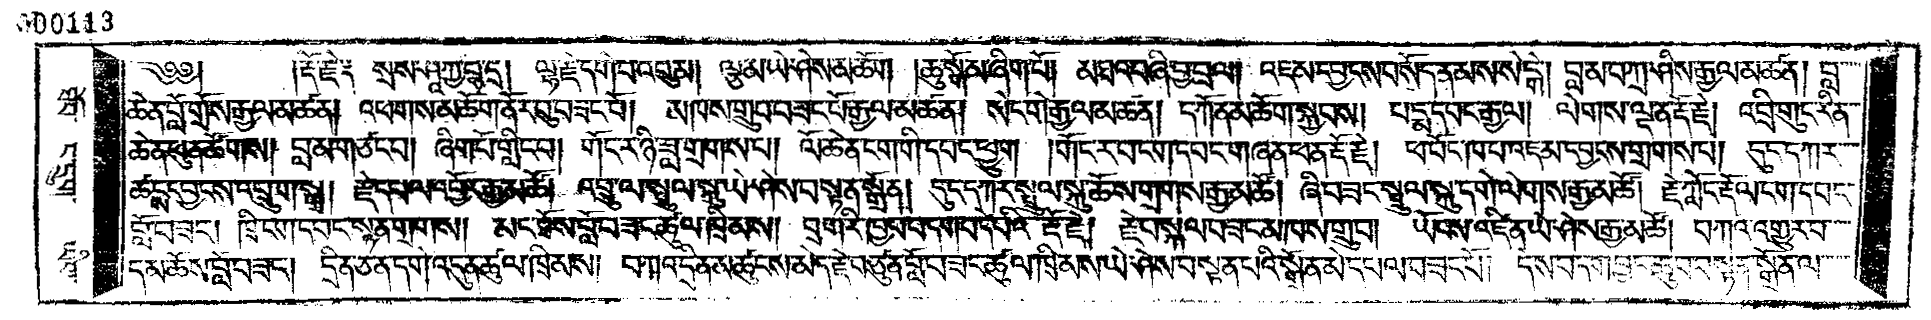༄༅། །རྡོ་རྗེ༑ སྲས་ཤཱཀྱ་བྷ་དྲ། ལྷ་རྗེ་དགེ་བ་འབུ་མ། ལྕམ་ཡེ་ཤེས་མཆོག །ཆུ་སྒོམ་ཞིག་པོ། མཐའ་བཞི་བྱ་བྲལ། འཇམ་དབྱངས་བསོད་ནམས་སེངྒེ། བླ་མ་བཀྲ་ཤིས་རྒྱལ་མཚན། བླ་
ཆེན་བློ་གྲོས་རྒྱལ་མཚན། འཕགས་མཆོག་ནོར་བུ་བཟང་པོ། མཁས་གྲུབ་བཟང་པོ་རྒྱལ་མཚན། སེང་གེ་རྒྱལ་མཚན། དཀོན་མཆོག་སྐྱབས། པདམ་དབང་རྒྱལ། ལེགས་ལྡན་རྡོ་རྗེ། འབྲི་གུང་རིན་
ཆེན་ཕུན་ཚོགས། བླ་མ་གཙང་བ། ཞིག་པོ་གླིང་བ། གོང་ར་ཉི་ཟླ་གྲགས་པ། ལོ་ཆེན་ངག་གི་དབང་ཕྱུག །གོང་ར་བ་ངག་དབང་གཞན་ཕན་རྡོ་རྗེ། ཕ་བོང་ཁ་པ་འཇམ་དབྱངས་གྲགས་པ། དུང་དཀར་
ཚངས་དབྱངས་འབྲུག་སྒྲ། རྗེ་དཔལ་འབྱོར་རྒྱ་མཚོ། འབྲུ་ལ་སྤྲུལ་སྐུ་ཡེ་ཤེས་བསྟན་སྒྲོན། དུང་དཀར་སྤྲུལ་སྐུ་ཆོས་གྲགས་རྒྱ་མཚོ། ཞི་བཟང་སྤྲུལ་སྐུ་དགེ་ལེགས་རྒྱ་མཚོ། རྗེ་ཀློང་རྡོལ་ངག་དབང་
བློ་བཟང་། ཁྲི་ངག་དབང་སྙན་གྲགས། མང་ཐོས་བློ་བཟང་ཚུལ་ཁྲིམས། བྲག་རི་ཁྱབ་བདག་བདེ་བའི་རྡོ་རྗེ། རྗེ་བསྐལ་བཟང་མཁས་གྲུབ། ཡོངས་འཛིན་ཡེ་ཤེས་རྒྱ་མཚོ། བཀའ་འགྱུར་བ་
དམ་ཆོས་བློ་བཟང་། དྲིན་ཅན་དགེ་འདུན་ཚུལ་ཁྲིམས། བཀའ་དྲིན་མཚུངས་མེད་རྗེ་བཙུན་བློ་བཟང་ཚུལ་ཁྲིམས་ཡེ་ཤེས་བསྟན་པའི་སྒྲོན་མེ་དཔལ་བཟང་པོ། དེས་བདག་བྱང་ཆུབ་བསྟན་སྒྲོན་ལ་